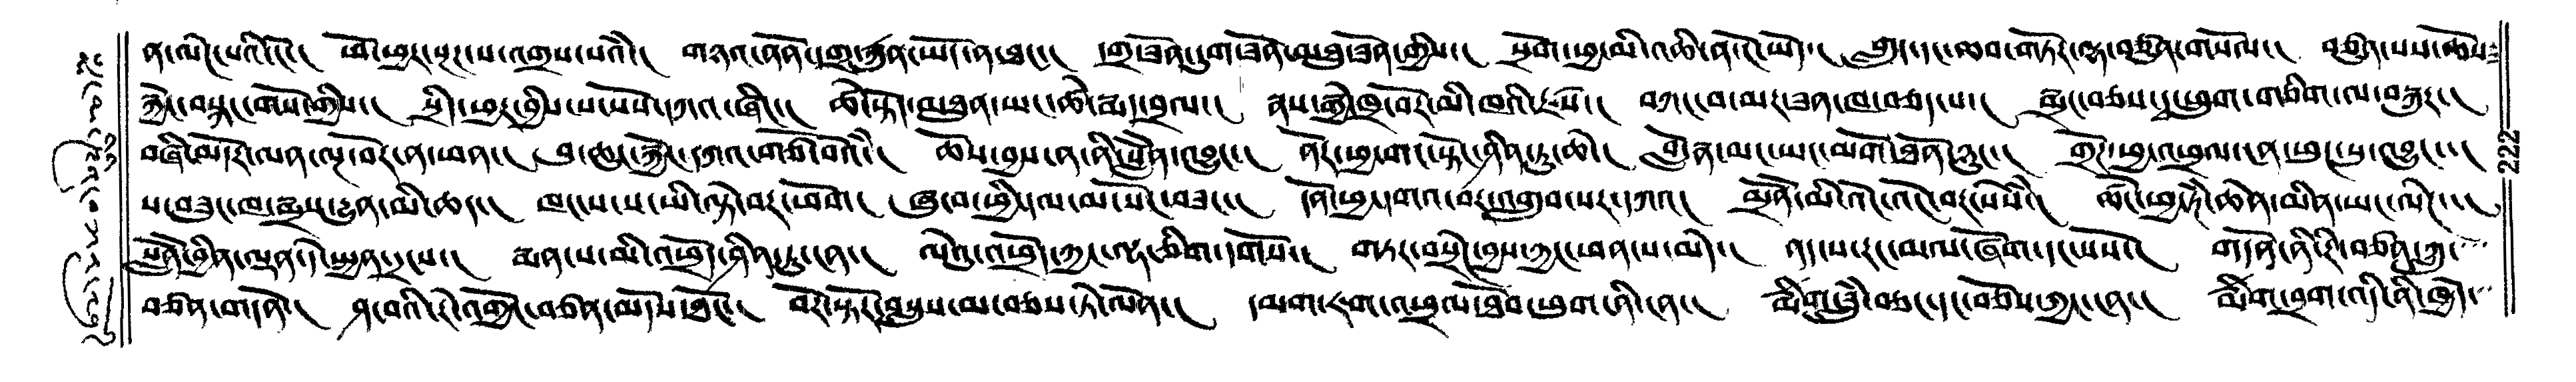མ་ལེགས་པའི་ངོ་། །ཕོ་ཕྱྭར་སྔགས་པ་འགྲས་པའམ། །གཉའ་ནོན་དགྲ་ཀུན་ཡོད་ན་ཐང་། །དགྲ་ཟོན་དུག་ཟོན་མཐུ་ཟོན་གྱིས། །སྲོག་ཕྱྭ་མི་འཆི་ན་ངོ་ཡོད། །གླུད་དང་ཆབ་གཏོར་ལྷ་བཙུན་གསོལ། །བཙུན་པས་ཆོས་
སྐྱོང་བསྐང་གསོ་གྱིས། །སྲིད་ཕྱྭར་བྱིས་པ་སོས་དཀའ་ཞིང་། །ཚེ་སྟོད་མཐུན་ཡང་ཚེ་སྨད་བྲལ། །སྣས་སྒྱེ་ཁྲ་བོར་མི་ཁའི་རྫས། །བཀང་བ་མར་ཟན་ཁ་བཅད་པ། །སྨྲང་བཅས་དྭ་ཕྲུག་གཅིག་ལ་སྐུར། །
བཞི་མདོར་ལན་ལྔ་བོར་ན་ཕན། །བུ་ཆུང་སྐྱོང་དཀའ་གཙོ་བོའམ། །ཆོས་བྱས་ན་ནི་སློབ་དཔོན་འབྱུང་། །ནོར་ཕྱྭ་གང་སྟོང་ཤིན་ཏུ་ཆེ། །བློ་སྣ་མང་ཡང་མགོ་ཐོན་ཉུང་། །གྲོགས་ཕྱྭ་འཕྲལ་ངན་ཕུགས་སུ་འབྱུང་། །
ས་བཟུང་ཁ་སྨྲས་རྒྱུན་མི་ཆད།ཁང་པ་ས་ཡི་ལྟེ་བར་ཕོག །ཞུ་བ་ཕྱི་དལ་མ་སོང་བཟང་། །དོན་ཕྱྭ་དགའ་བར་འགྲུབ་པར་དཀའ། །མགྲཽན་པོ་མི་འོང་འོང་བར་སེམས། །ཚོང་ཕྱྭ་རྔམས་ཆེན་མིན་ཡང་ལེགས། །
སློབ་དཔོན་བྱིན་ལྡན་དེ་སྤྱན་དྲངས། །སྨན་པ་མི་འཕྲོད་ཤིན་ཏུ་ངན། །ལེའུ་འཕྲོད་ཀྱང་ལྷ་གཅིག་དགོས། །གཏར་སྲེག་བྱས་ཀྱང་ཕན་པ་མེད། །ནད་པ་རང་མལ་ཞོག་དང་པོས། །གདོན་ནི་རི་བཙན་ཀླུ་
བཙན་གདོན། །ཤ་བའི་རེ་འགྱོང་བཙན་མདོས་ཐོངས། །བོར་སྟོར་བསླུས་མ་བཅས་ཏེ་ལེན། །དམག་ཇག་འཕྲལ་ཐོབ་ཕུགས་ནི་ངན། །རྨིག་ཟླུམ་བཅང་དང་བཅོས་ཀྱང་ངན། །རྨིག་དབྲག་འདི་ནི་ཁྱོད་